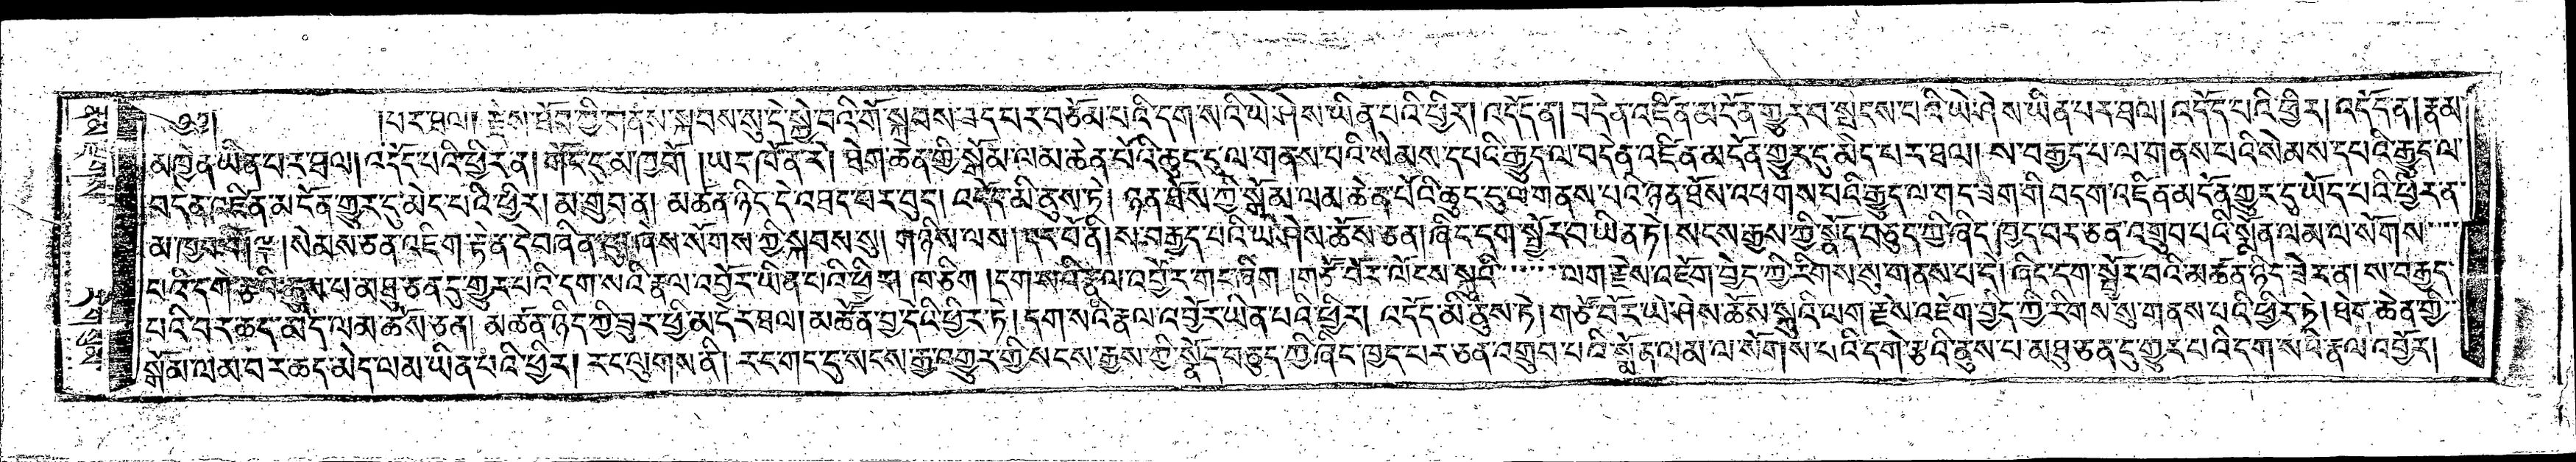༄༅། །པར་ཐལ། རྗེས་ཐོབ་ཀྱི་གནས་སྐབས་སུ་དེ་སྐྱེ་བའི་གོ་སྐབས་ཟད་པར་བཅོམ་པའི་དག་སའི་ཡེ་ཤེས་ཡིན་པའི་ཕྱིར། འདོད་ན། བདེན་འཛིན་མངོན་གྱུར་བ་སྤངས་པའི་ཡེ་ཤེས་ཡིན་པར་ཐལ། འདོད་པའི་ཕྱིར། འདོད་ན། རྣམ་
མཁྱེན་ཡིན་པར་ཐལ། འདོད་པའི་ཕྱིར་ན། གོང་དུ་མ་ཁྱབ་བོ། ཡང་ཁོ་ན་རེ་ཐེག་ཆེན་གྱི་སྒོམ་ལམ་ཆེན་པོའི་ཆུང་ངུ་ལ་གནས་པའི་སེམས་དཔའི་རྒྱུད་ལ་བདེན་འཛིན་མངོན་གྱུར་དུ་མེད་པར་ཐལ། ས་བརྒྱད་པ་ལ་གནས་པའི་སེམས་དཔའི་རྒྱུད་ལ་
བདེན་འཛིན་མངོན་གྱུར་དུ་མེད་པའི་ཕྱིར། མ་གྲུབ་ན། མཚན་ཉིད་དེ་འཐད་པར་བུད། འདོད་མི་ནུས་ཏེ། ཉན་ཐོས་ཀྱི་སྒོམ་ལམ་ཆེན་པོའི་ཆུང་ངུ་ལ་གནས་པའི་ཉན་ཐོས་འཕགས་པའི་རྒྱུད་ལ་གང་ཟག་གི་བདག་འཛིན་མངོན་གྱུར་དུ་ཡོད་པའི་ཕྱིར་ན་
མ་ཁྱབ་བོ། ༈ །སེམས་ཅན་འཇིག་རྟེན་དེ་བཞིན་དུ། ཞེས་སོགས་ཀྱི་སྐབས་སུ། གཉིས་ལས། དང་པོ་ནི། ས་བརྒྱད་པའི་ཡེ་ཤེས་ཆོས་ཅན། ཞིང་དག་སྦྱོར་བ་ཡིན་ཏེ། སངས་རྒྱས་ཀྱི་སྣོད་བཅུད་ཀྱི་ཞིང་ཁྱད་པར་ཅན་འགྲུབ་པའི་སྨོན་ལམ་ལ་སོགས་
པའི་དགེ་རྩའི་ནུས་པ་མཐུ་ཅན་དུ་གྱུར་པའི་དག་སའི་རྣལ་འབྱོར་ཡིན་ཕྱིར། ཁ་ཅིག། དག་སའི་རྣལ་འབྱོར་གང་ཞིག །གཙོ་བོར་ལོངས་སྐུའི་ལག་རྗེས་འཇོག་བྱེད་ཀྱི་རིགས་སུ་གནས་པ་དེ། ཞིང་དག་སྦྱོར་བའི་མཚན་ཉིད་ཟེར་ན། ས་བརྒྱད་
པའི་བར་ཆད་མེད་ལམ་ཆོས་ཅན། མཚན་ཉིད་ཀྱི་ཟུར་ཕྱི་མ་དེར་ཐལ། མཚོན་བྱ་དེའི་ཕྱིར་ཏེ། དག་སའི་རྣལ་འབྱོར་ཡིན་པའི་ཕྱིར། འདོད་མི་ནུས་ཏེ། གཙོ་བོར་ཡེ་ཤེས་ཆོས་སྐུའི་ལག་རྗེས་འཇོག་བྱེད་ཀྱི་རིགས་སུ་གནས་པའི་ཕྱིར་ཏེ། ཐེག་ཆེན་གྱི་
སྒོམ་ལམ་བར་ཆད་མེད་ལམ་ཡིན་པའི་ཕྱིར། རང་ལུགས་ནི། རང་གང་དུ་སངས་རྒྱས་འགྱུར་གྱི་སངས་རྒྱས་ཀྱི་སྣོད་བཅུད་ཀྱི་ཞིང་ཁྱད་པར་ཅན་འགྲུབ་པའི་སྨོན་ལམ་ལ་སོགས་པའི་དགེ་རྩའི་ནུས་པ་མཐུ་ཅན་དུ་གྱུར་པའི་དག་སའི་རྣལ་འབྱོར། །